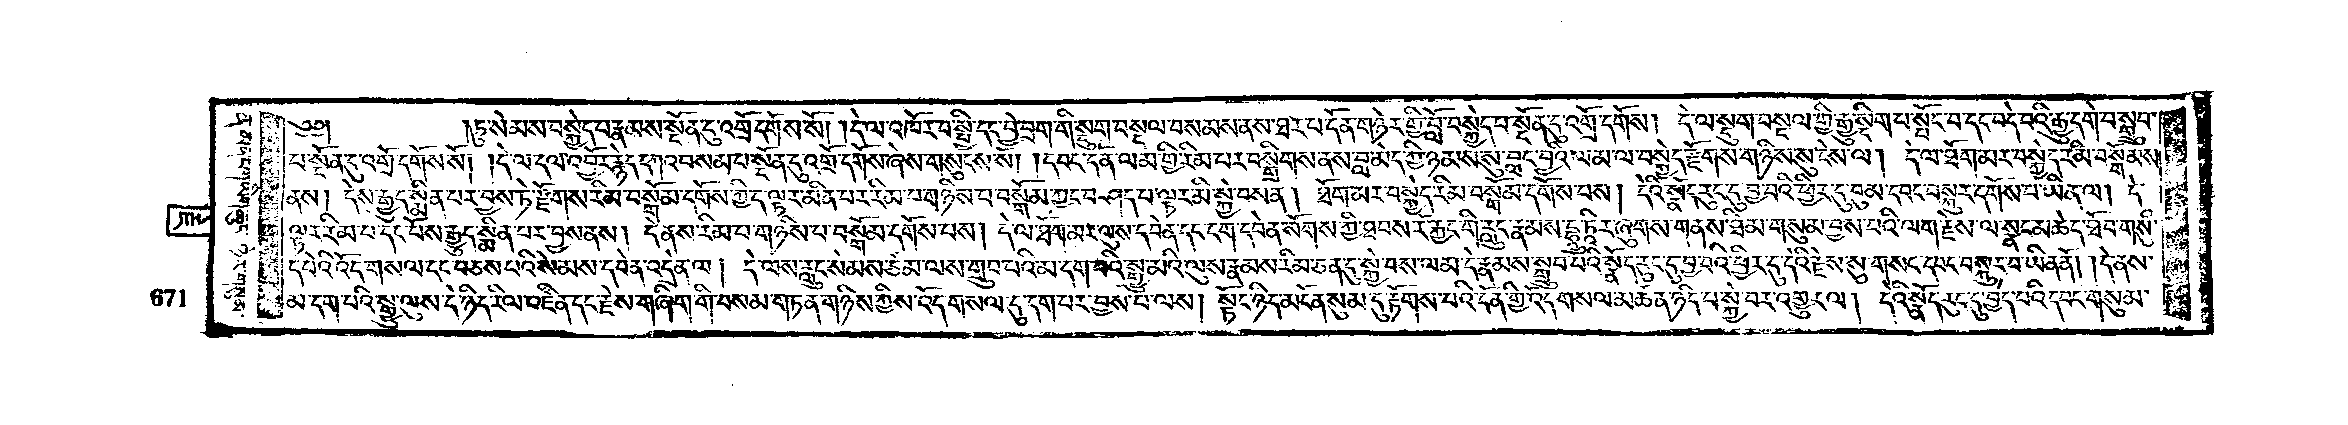༄༅། །ཏུ་སེམས་བསྐྱེད་པ་རྣམས་སྔོན་དུ་འགྲོ་དགོས་སོ། །དེ་ལ་འཁོར་བ་སྤྱི་དང་བྱེ་བྲག་གི་སྡུག་བསྔལ་བསམས་ནས་ཐར་པ་དོན་གཉེར་གྱི་བློ་བསྐྱེད་བ་སྔོན་དུ་འགྲོ་དགོས། དེ་ལ་སྡུག་བསྔལ་གྱི་རྒྱུ་སྡིག་པ་སྤོང་བ་དང་བདེ་བའི་རྒྱུ་དགེ་བ་སྒྲུབ་
པ་སྔོན་དུ་འགྲོ་དགོས་སོ། །དེ་ལ་དལ་འབྱོར་རྙེད་དཀའ་བསམ་པ་སྔོན་དུ་འགྲོ་དགོས་ཞེས་གསུངས་སོ། །དབང་དོན་ལམ་གྱི་རིམ་པར་བསྒྲིགས་ནས་བླ་མེད་ཀྱི་ཉམས་སུ་བླང་བྱའི་ལམ་ལ་བསྐྱེད་རྫོགས་གཉིས་སུ་ངེས་ལ། དེ་ལ་ཐོག་མར་བསྐྱེད་རིམ་བསྒོམས་
ནས། དས་རྒྱུད་སྨིན་པར་བྱས་ཏེ་རྫོགས་རིམ་བསྒོམ་དགོས་ཀྱི་ད་ལྟར་མིན་པར་རིམ་པ་གཉིས་པ་བསྒོམ་ཀྱང་བཤད་པ་ལྟར་མི་སྐྱེ་བས་ན། ཐོག་མར་བསྐྱེད་རིམ་བསྒོམ་དགོས་པས། དེའི་སྣོད་རུང་དུ་བྱ་བའི་ཕྱིར་དུ་བུམ་དབང་བསྐུར་དགོས་པ་ཡིན་ལ། དེ་
ལྟར་རིམ་པ་དང་པོས་རྒྱུད་སྨིན་པར་བྱས་ནས། དེ་ནས་རིམ་པ་གཉིས་པ་བསྒོམ་དགོས་པས། དེ་ལ་ཐོག་མར་ལུས་དབེན་དང་ངག་དབེན་སོགས་ཀྱི་ཐབས་རོ་རྐྱང་གི་རླུང་རྣམས་དྷཱུ་ཏཱིར་ཞུགས་གནས་ཐིམ་གསུམ་བྱས་པའི་ལག་རྗེས་ལ་སྣང་མཆེད་ཐོབ་གསུཾ་
དཔེའི་འོད་གསལ་དང་བཅས་པའི་སེམས་དབེན་འདྲེན་ལ། དེ་ལས་རླུང་སེམས་ཙམ་ལས་གྲུབ་པའི་མ་དག་པའི་སྒྱུ་མའི་ལུས་རྣམས་རིམ་ཅན་དུ་སྐྱེ་བས་ལམ་དེ་རྣམས་སྒྲུབ་པའི་སྣོད་རུང་དུ་བྱ་བའི་ཕྱིར་དུ་དེའི་རྗེས་སུ་གསང་དབང་བསྐུར་བ་ཡིན་ནོ། །དེ་ནས་
མ་དག་པའི་སྒྱུ་ལུས་དེ་ཉིད་རིལ་འཛིན་དང་རྗེས་གཞིག་གི་བསམ་གཏན་གཉིས་ཀྱིས་འོད་གསལ་དུ་དག་པར་བྱས་པ་ལས། སྟོང་ཉིད་མངོན་སུམ་དུ་རྟོགས་པའི་དོན་གྱི་འོད་གསལ་མཚན་ཉིད་པ་སྐྱེ་བར་འགྱུར་ལ། དེའི་སྣོད་རུང་དུ་བྱེད་པའི་དབང་གསུམ་